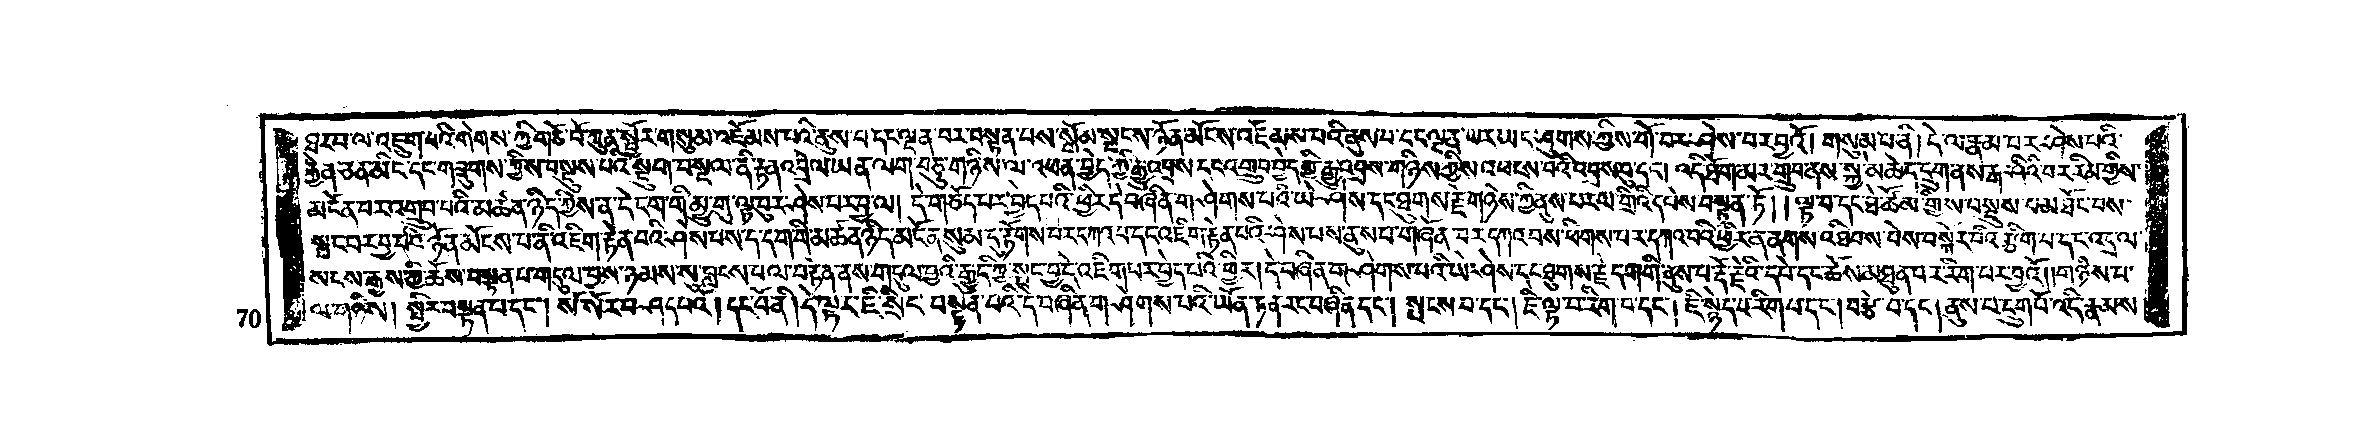ཐར་པ་ལ་འཇུག་པའི་གེགས་ཀྱི་གཙོ་བོ་ཀུན་སྦྱོར་གསུམ་འཇོམས་པའི་ནུས་པ་དང་ལྡན་པར་བསྟན་པས་སྒོམ་སྤངས་ཉོན་མོངས་འཇོམས་པའི་ནུས་པ་དང་ལྡན་པར་ཡང་ཤུགས་ཀྱིས་གོ་བར་ཤེས་པར་བྱའོ། །གསུམ་པ་ནི། དེ་ལ་རྣམ་པར་ཤེས་པའི་
རྐྱེན་ཅན་མིང་དང་གཟུགས་ཀྱིས་བསྡུས་པའི་སྡུག་བསྔལ་ནི་རྟན་འབྲེལ་ཡན་ལག་བཅུ་གཉིས་ལ་འཕན་བྱེད་ཀྱི་རྒྱུ་འབྲས་དང་འགྲུབ་བྱེད་ཀྱི་རྒྱུ་འབྲས་གཉིས་ཀྱིས་འཕངས་པའི་འབྲས་བུ་དང་། འདི་ཐོག་མར་གྲུབ་ནས་སྐྱེ་མཆེད་དྲུག་ནས་རྒ་ཤིའི་བར་རིམ་གྱིས་
མངོན་པར་འགྲུབ་པའི་མཚན་ཉིད་ཀྱིས་ན་དེ་དག་གི་མྱུ་གུ་ལྟ་བུར་ཤེས་པར་བྱ་ལ། དེ་གཅོད་པར་བྱེད་པའི་ཕྱིར་དེ་བཞིན་གཤེགས་པའི་ཡེ་ཤེས་དང་ཐུགས་རྗེ་གཉེས་ཀྱི་ནུས་པར་ལ་གྲིའི་དཔེས་བསྟན་ཏོ། །ལྟ་བ་དང་ཐེ་ཚོམ་གྱིས་བསྡུས་པ་མཐོང་བས་
སྤང་བར་བྱ་བའི་ཉོན་མོངས་པ་ནི་འཇིག་རྟེན་པའི་ཤེས་པས་དེ་དག་གི་མཚན་ཉིད་མངོན་སུམ་དུ་རྟོགས་པར་དཀའ་བ་དང་འཇིག་རྟེན་པའི་ཤེས་པས་ནུས་པ་གཞོན་པར་དཀའ་བས་ཕིགས་པར་དཀའ་བའི་ཕྱིར་ན་ནགས་འཐིབས་པེས་བསྐོར་བའི་རྩིག་པ་དང་འདྲ་ལ་
སངས་རྒྱས་ཀྱི་ཆོས་བསྟན་པ་གདུལ་བྱས་ཉམས་སུ་བླངས་པ་ལ་བརྟེན་ནས་གདུལ་བྱའི་རྒྱུད་ཀྱི་སྤང་བྱེད་འཇིག་པར་བྱེད་པའི་ཕྱིར། དེ་བཞིན་གཤེགས་པའི་ཡེ་ཤེས་དང་ཐུགས་རྗེ་དག་གི་ནུས་པ་རྡོ་རྗེའི་དཔེ་དང་ཆོས་མཐུན་པར་རིག་པར་བྱའོ། །གཉིས་པ་
ལ་གཉིས། སྤྱིར་བསྟན་པ་དང་། སོ་སོར་བཤད་པའོ། །དང་པོ་ནི། དེ་ལྟར་ཇི་སྲིད་བསྟན་པའི་དེ་བཞིན་གཤེགས་པའི་ཡོན་ཏན་རང་བཞིན་དང་། སྤངས་པ་དང་། ཇི་ལྟ་བ་རིག་པ་དང་། ཇི་སྙེད་པ་རིག་པ་དང་། བརྩེ་བ་དང་། ནུས་པ་དྲུག་པོ་འདི་རྣམས་